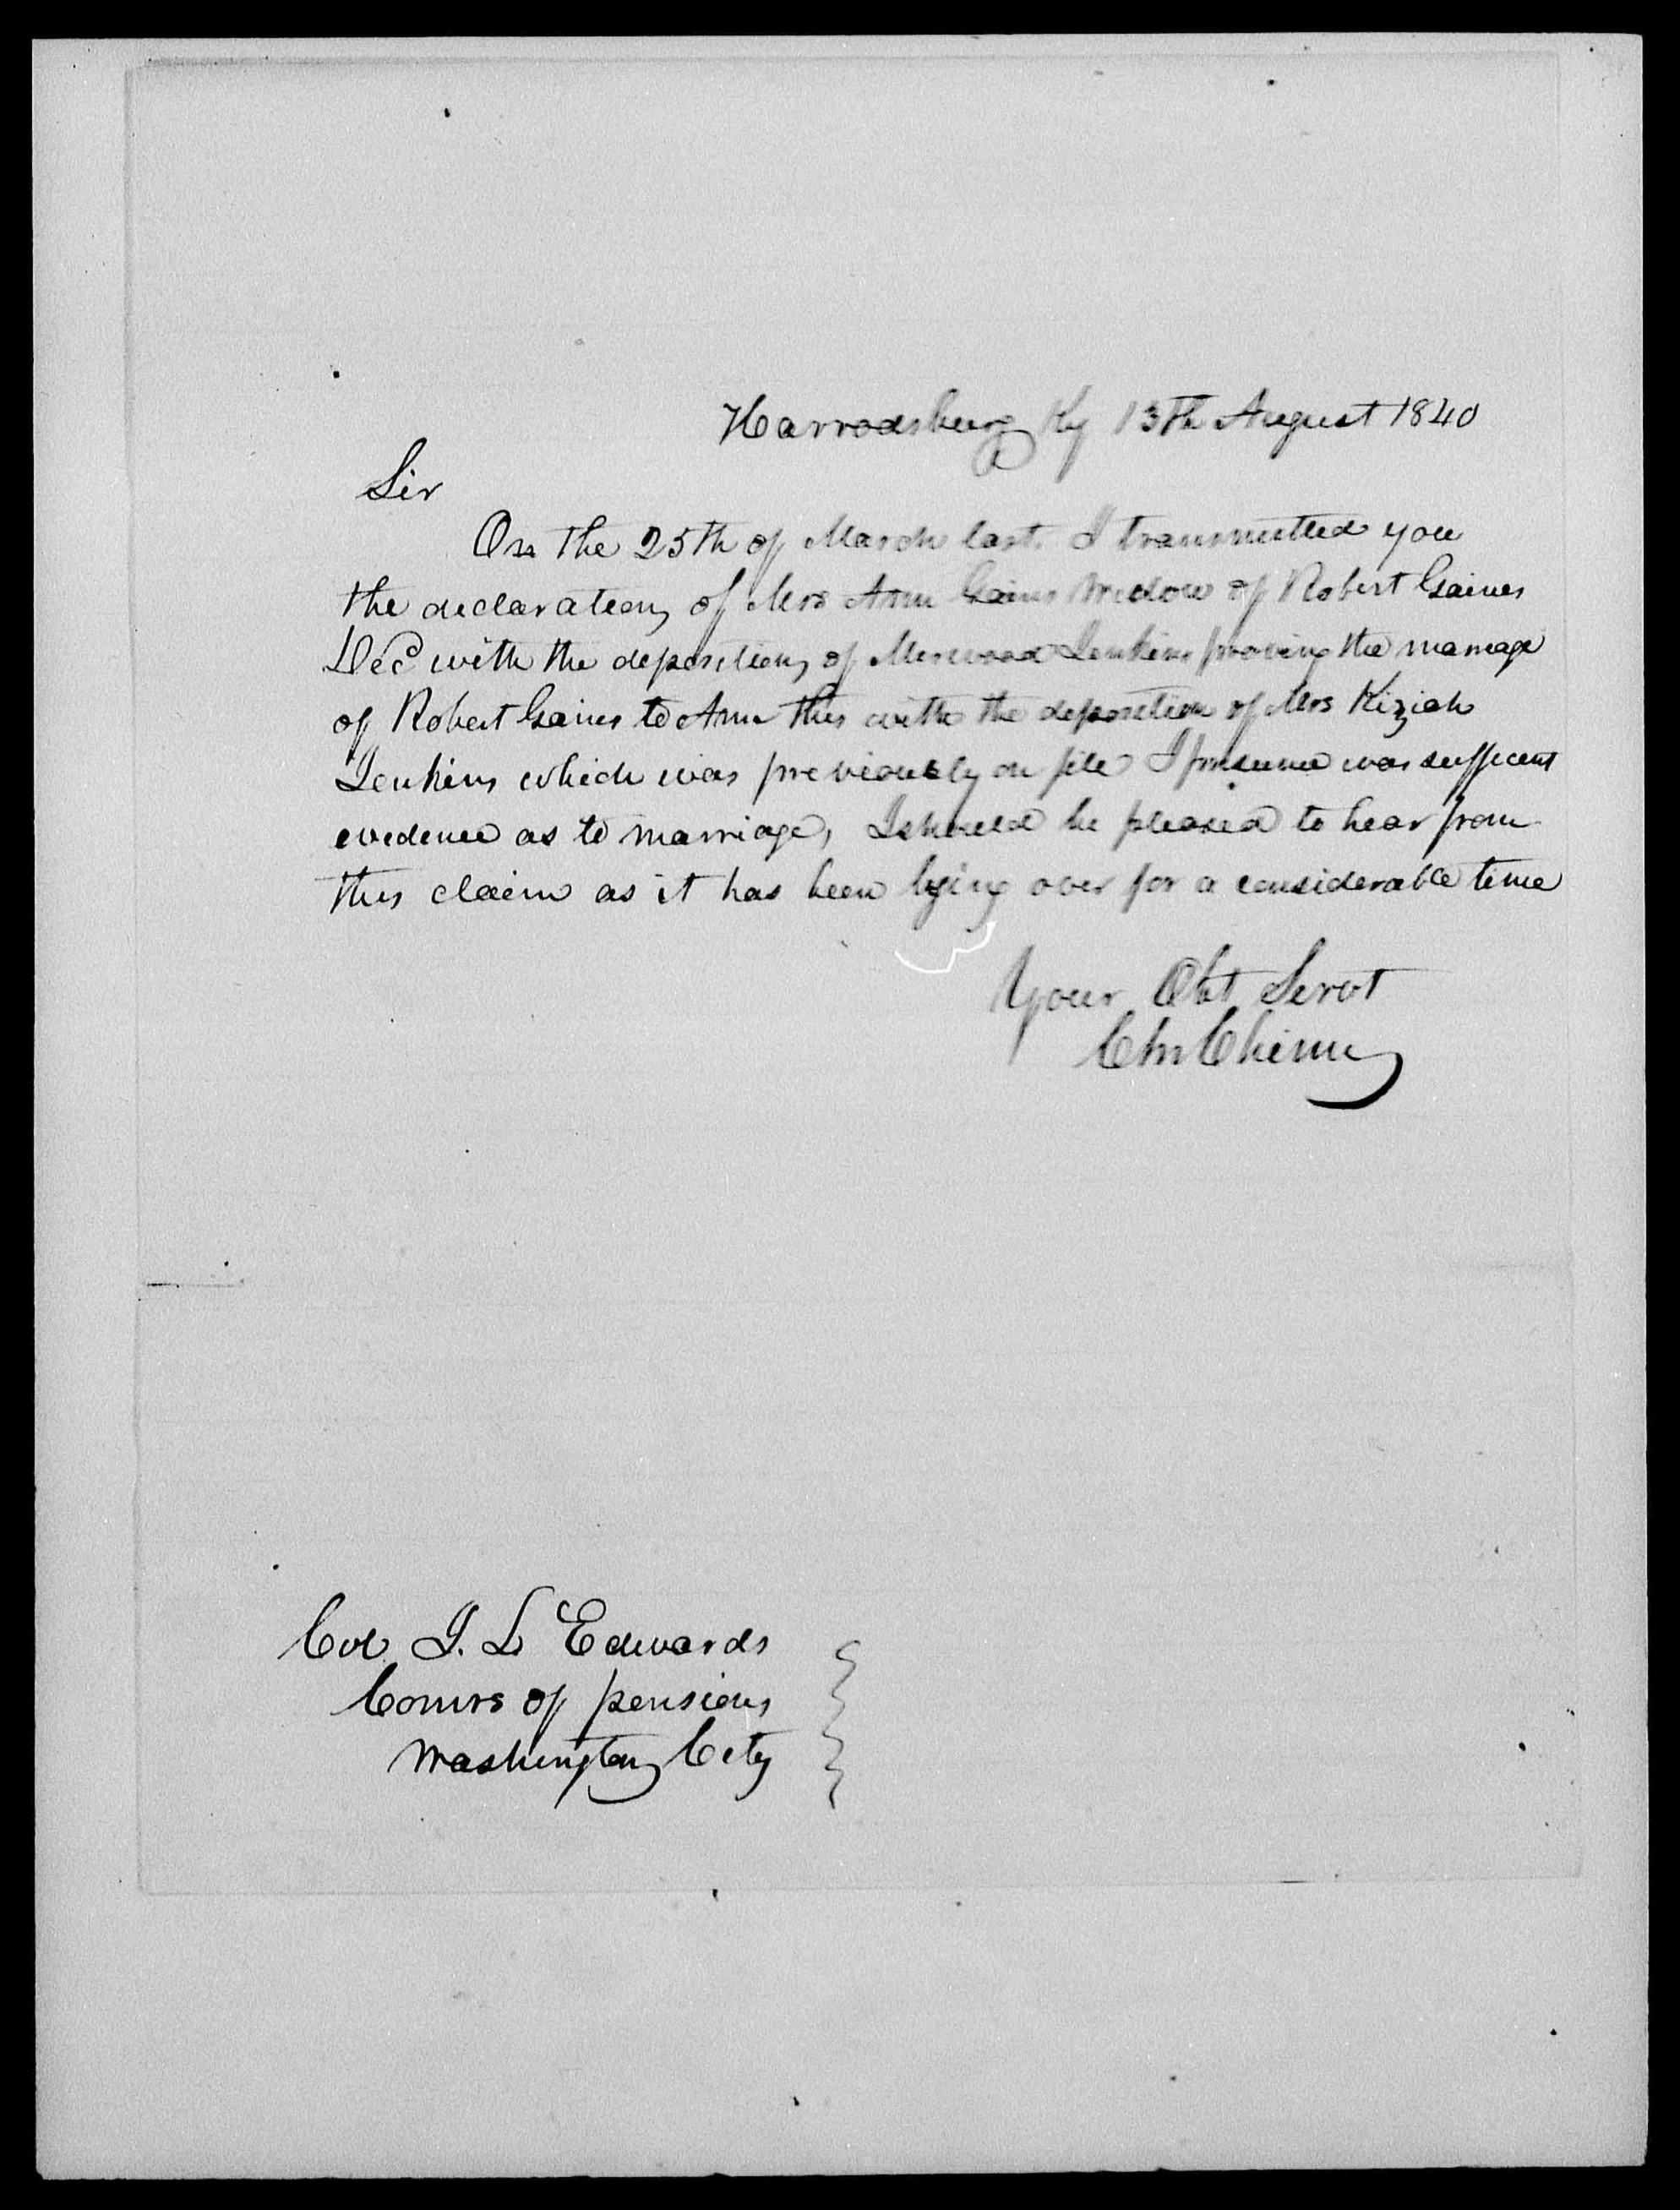Harrodsburg by 13th August 1840
Sir
On the 25th of March last, I transmitted you
the declaration of Mrs Ann Gaines widow of Robert Gaines
Dec'd with the depositions of Merwood Jenkins proving the marriage
of Robert Gaines to Ann this with the deposition of Mrs Kizich
Jenkins which was previously on file I presumed was sufficent
evidence as to marriage, I should be pleased to hear from
this claim as it has been lying over for a considerable time
Your Obt Servt
Chr Chinn

Col J. L. Edwards
Comr of Pensions
Washington City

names: Chr Chinn, Ann, Robert Gaines, Robert Gaines, Ann Gains, J L Edwards, Kiziah Jenkins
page: 64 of 79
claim: rejected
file: R. 3863, Robert Gaines, Va.